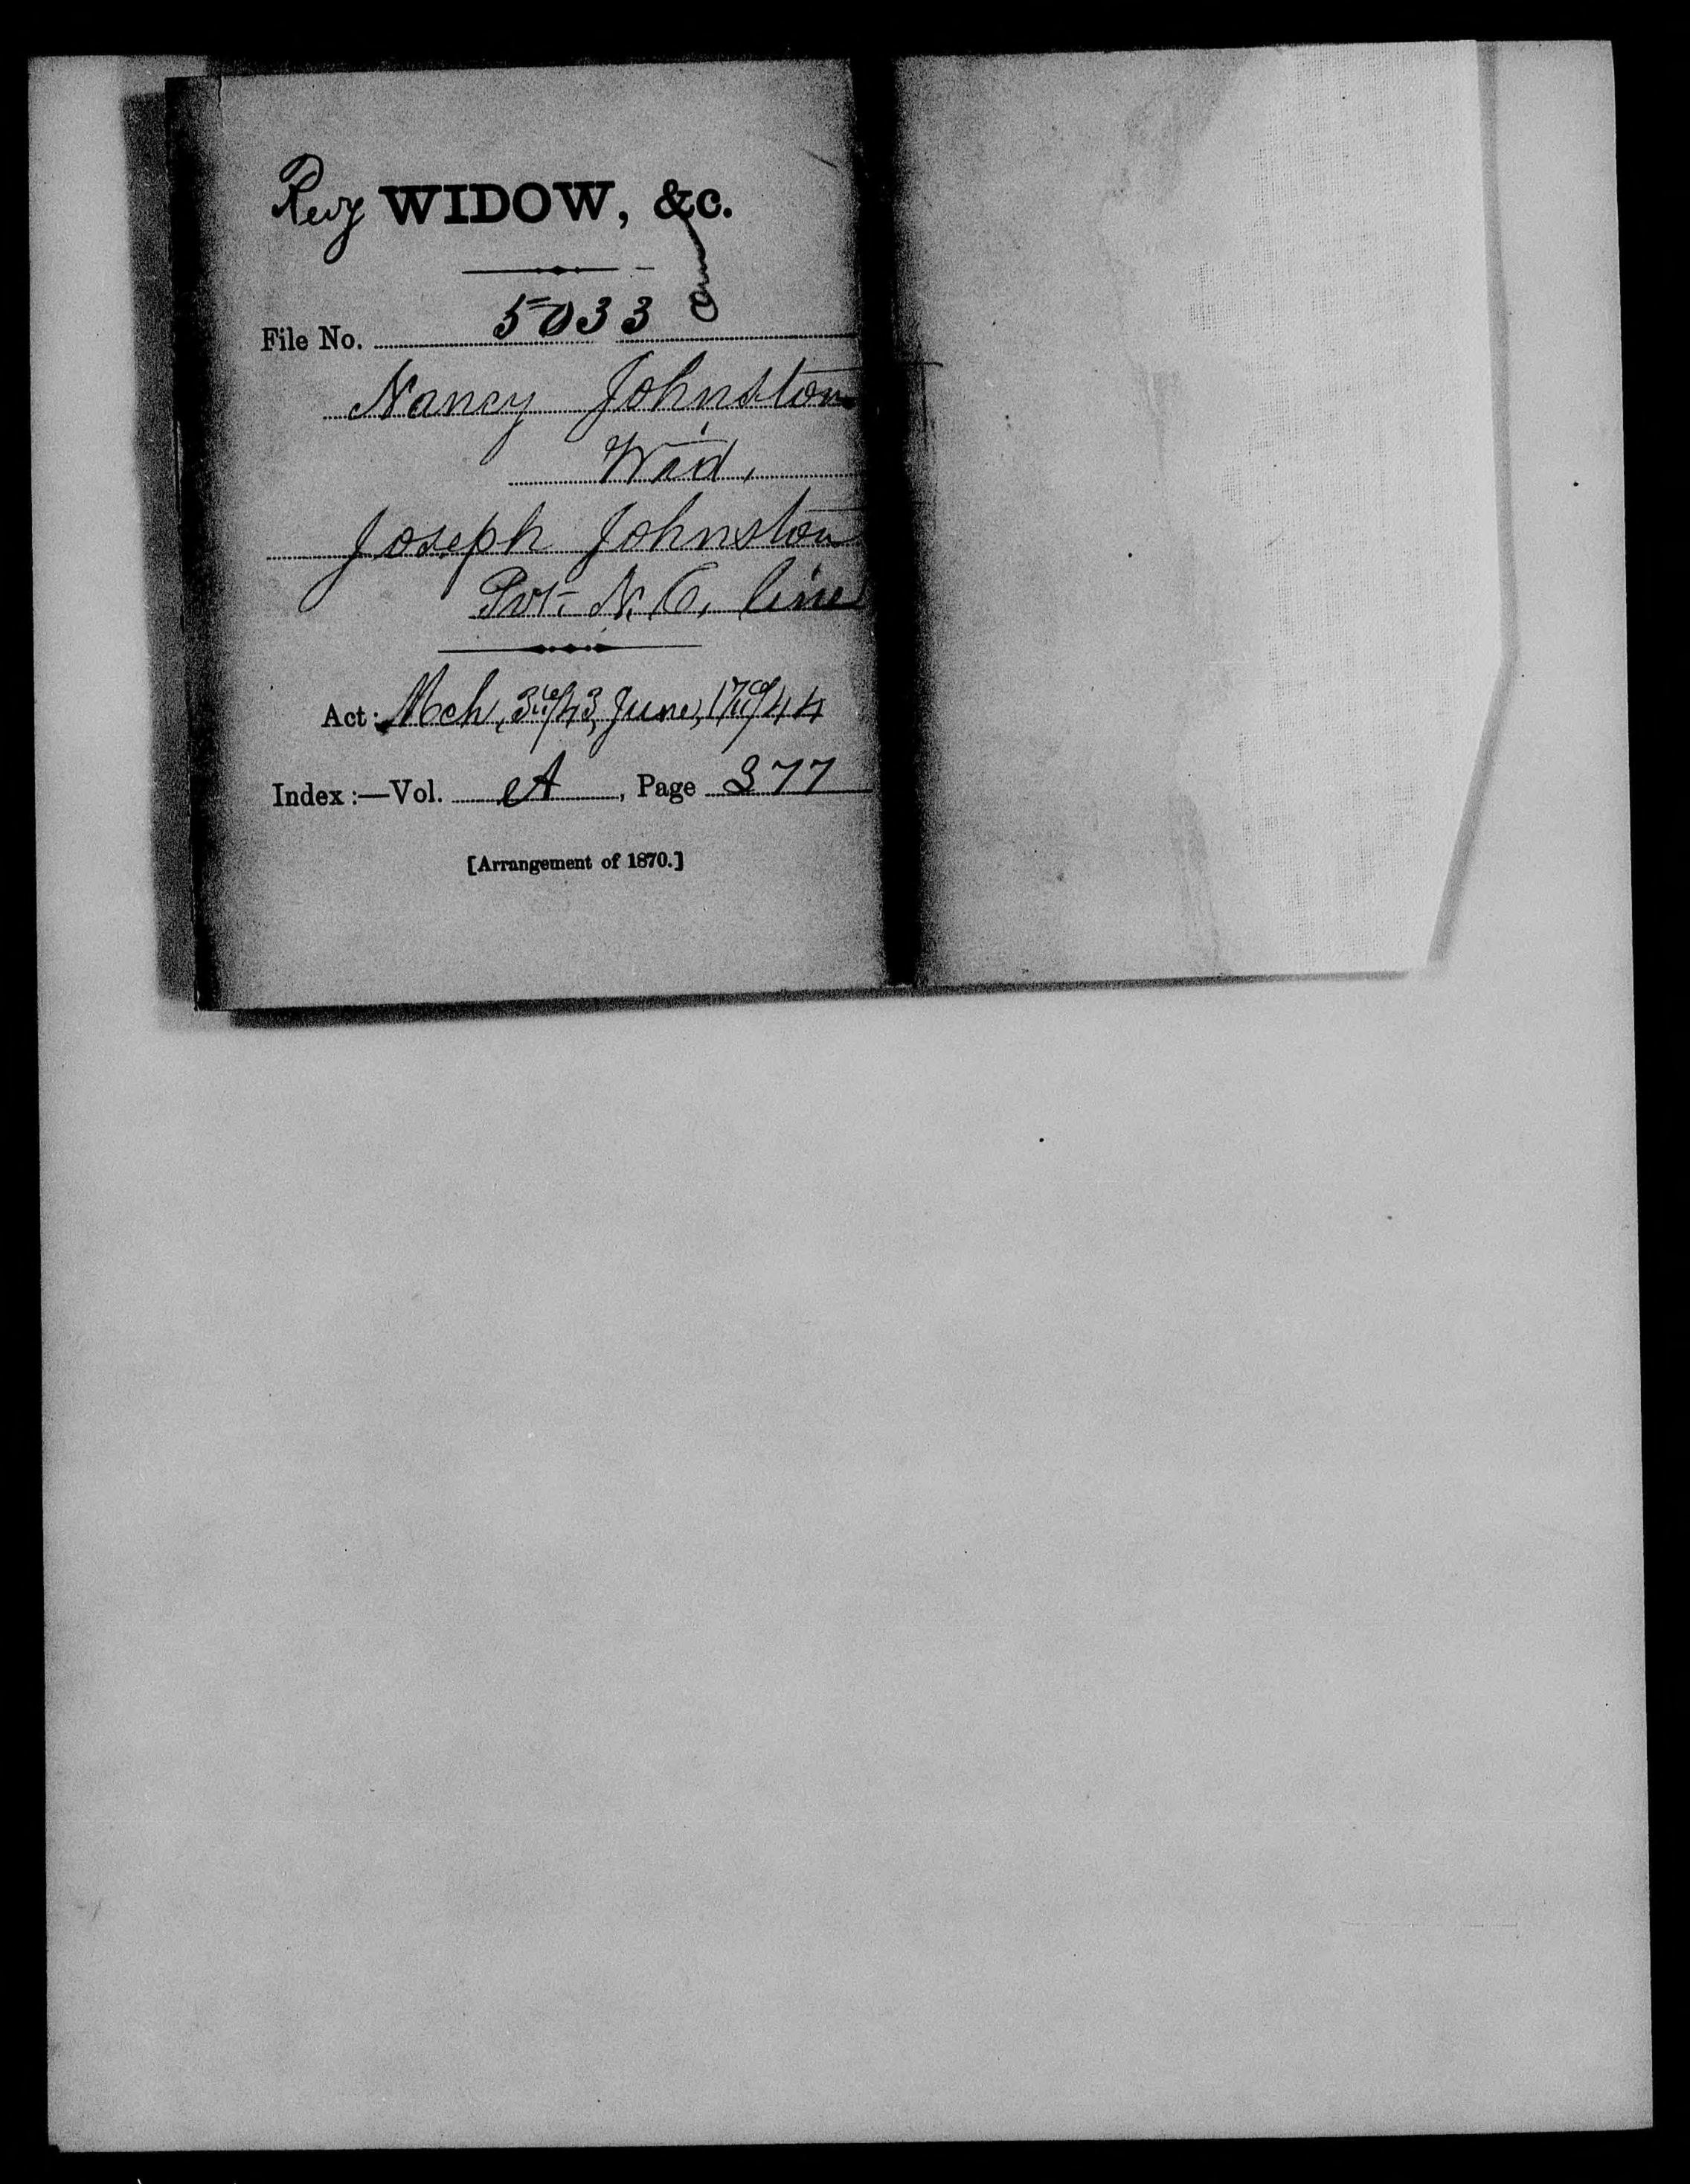[typed form, with handwritten responses]

Revy WIDOW, &c. Own

File No. 5033
Nancy Johnston

Wid. [Widow]
Joseph Johnston
Pvt. N. C. line

Act: Mch [March] 3/43, June 17/44

Index: - Vol. A, Page 377

[Arrangement of 1870.]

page: 22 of 41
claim: widow's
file: W. 5033, for Joseph Johnston, North Carolina